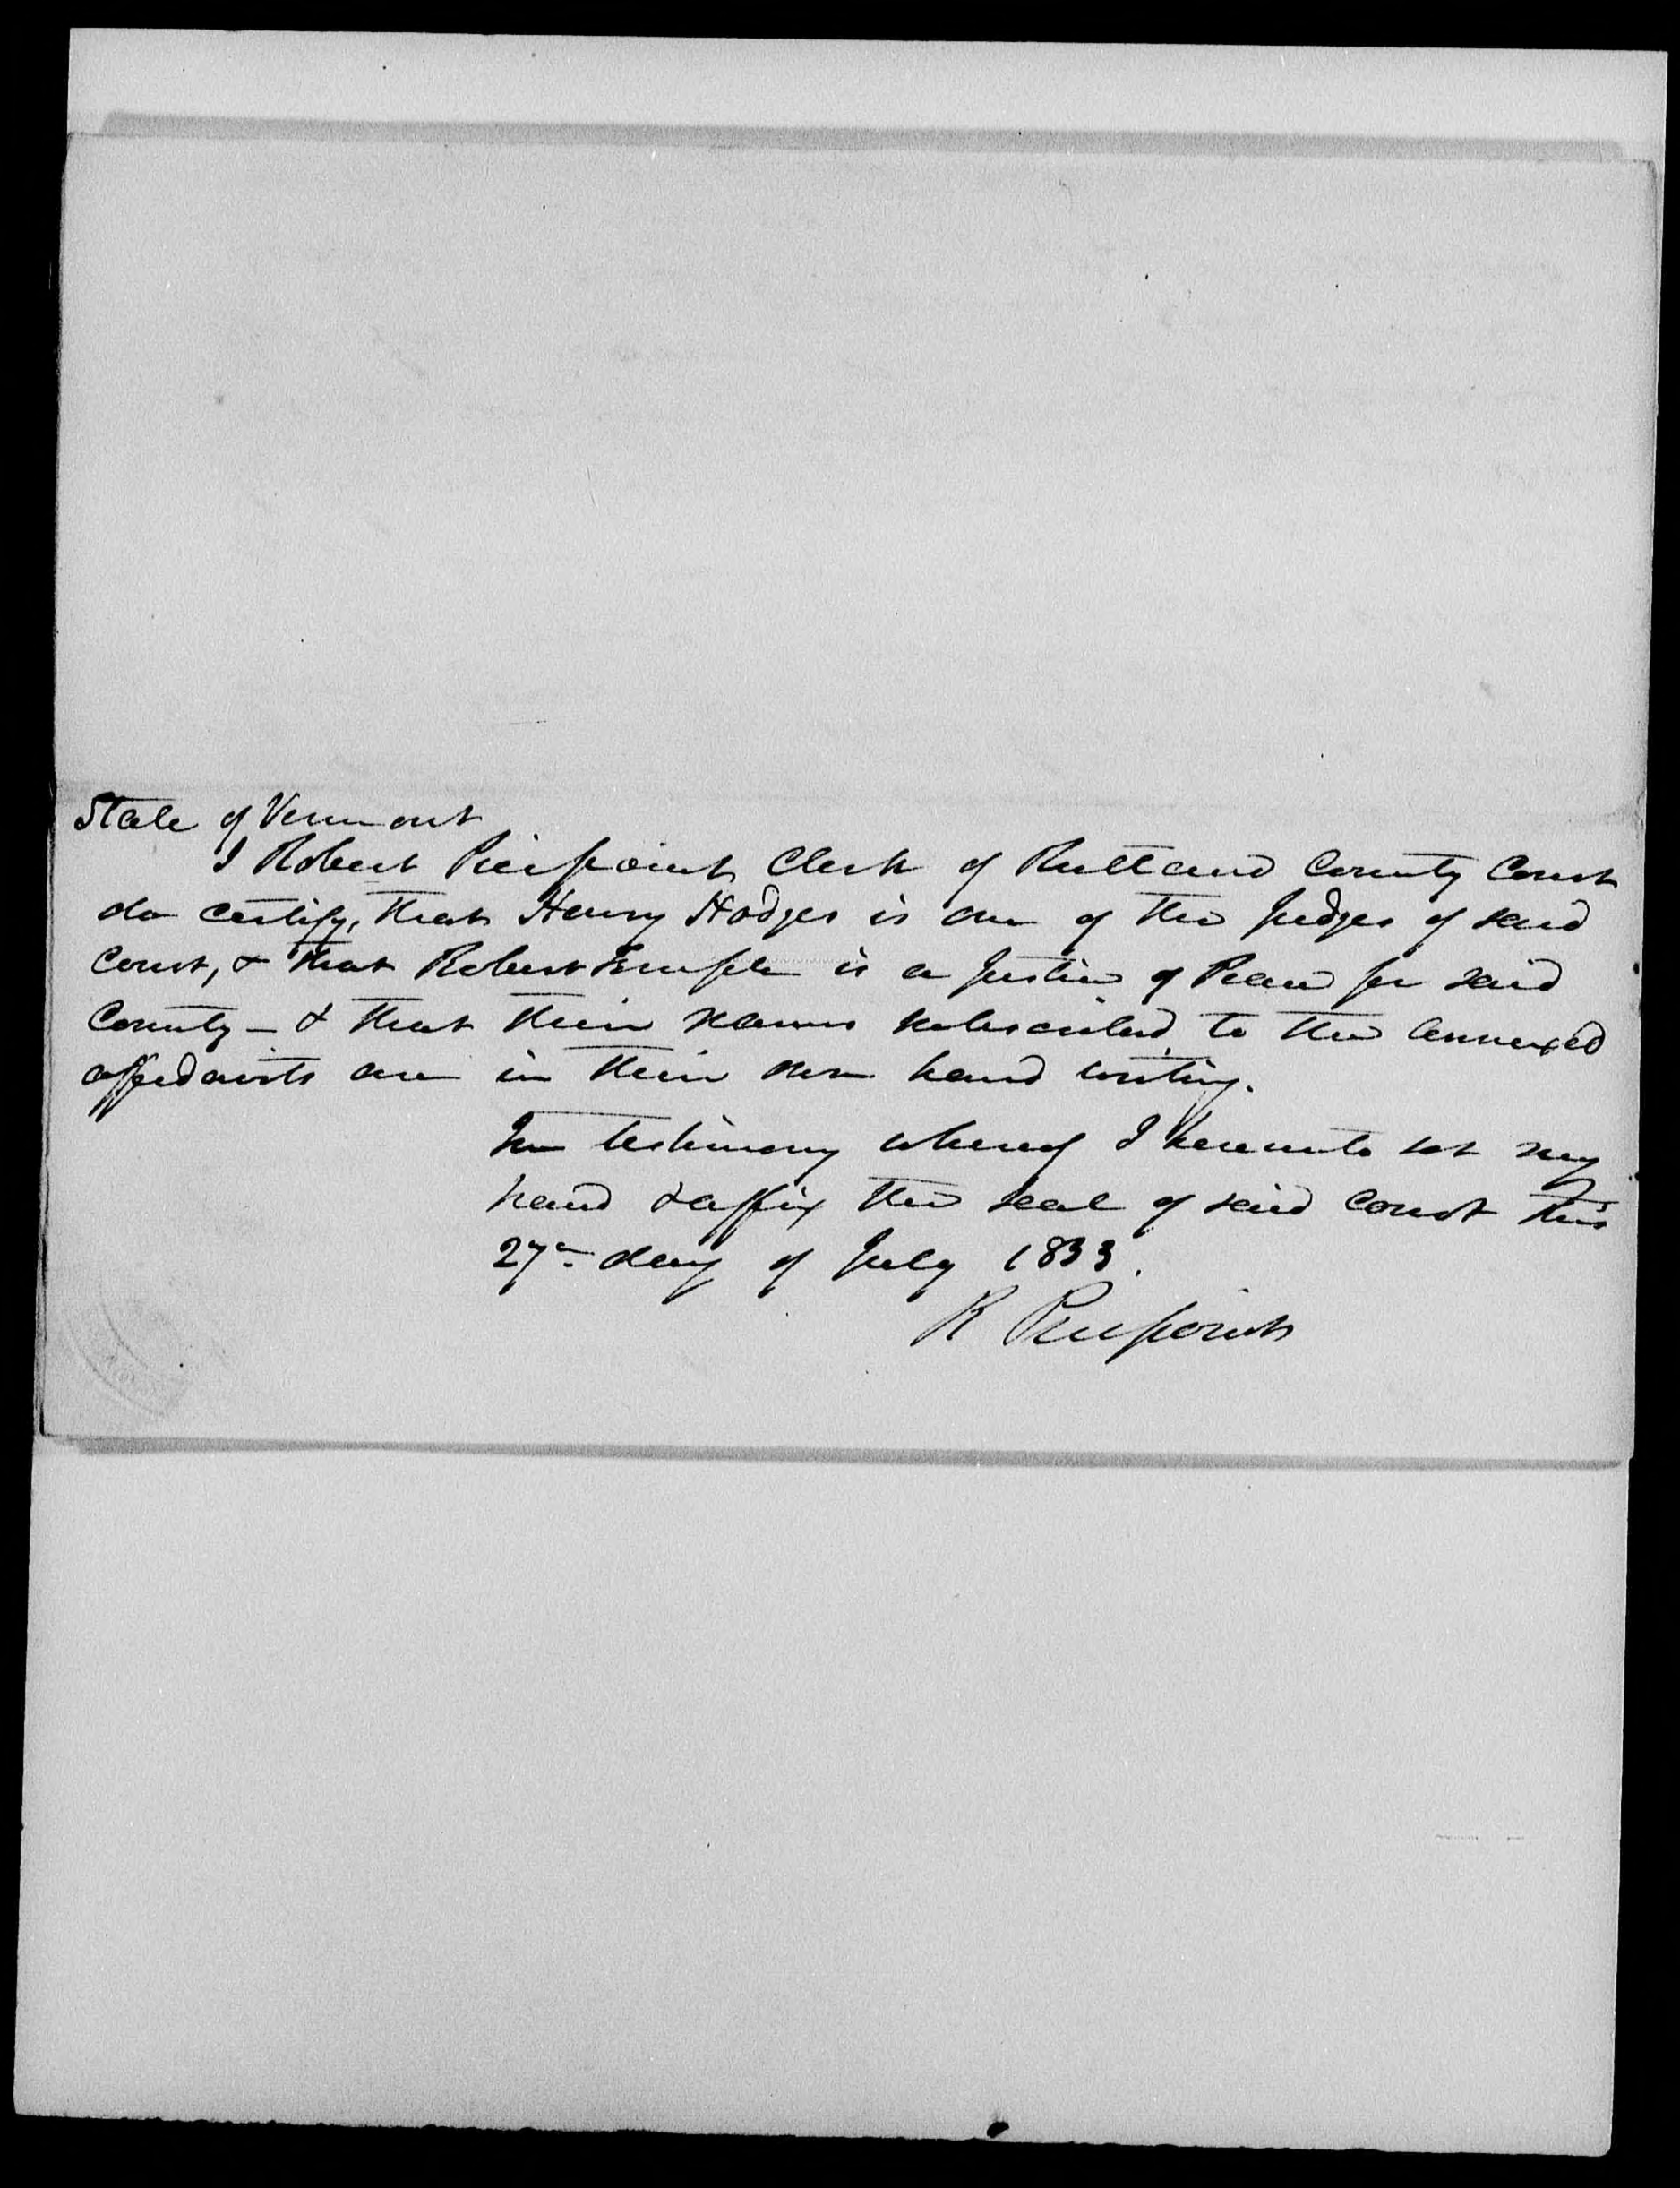State of Vermont
I Robert Pierpoint Clerk of Rutland County Court do certify, that Henry Hodges is one of the Judges of said Court, + that Robert Temple is a Justice of Peace for said County - + that their names subscribed to the annexed affidavits are in their own hand writing.
[court seal affixed] In testimony whereof I hereunto set my hand + affix the seal of said court this 27th day of July 1833.
R. Pierpoint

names: Robert Temple, R Pierpoint, Robert Pierpoint, Henry Hodges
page: 24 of 33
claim: survivor's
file: S. 12632, William Crossman, Mass. Vt.